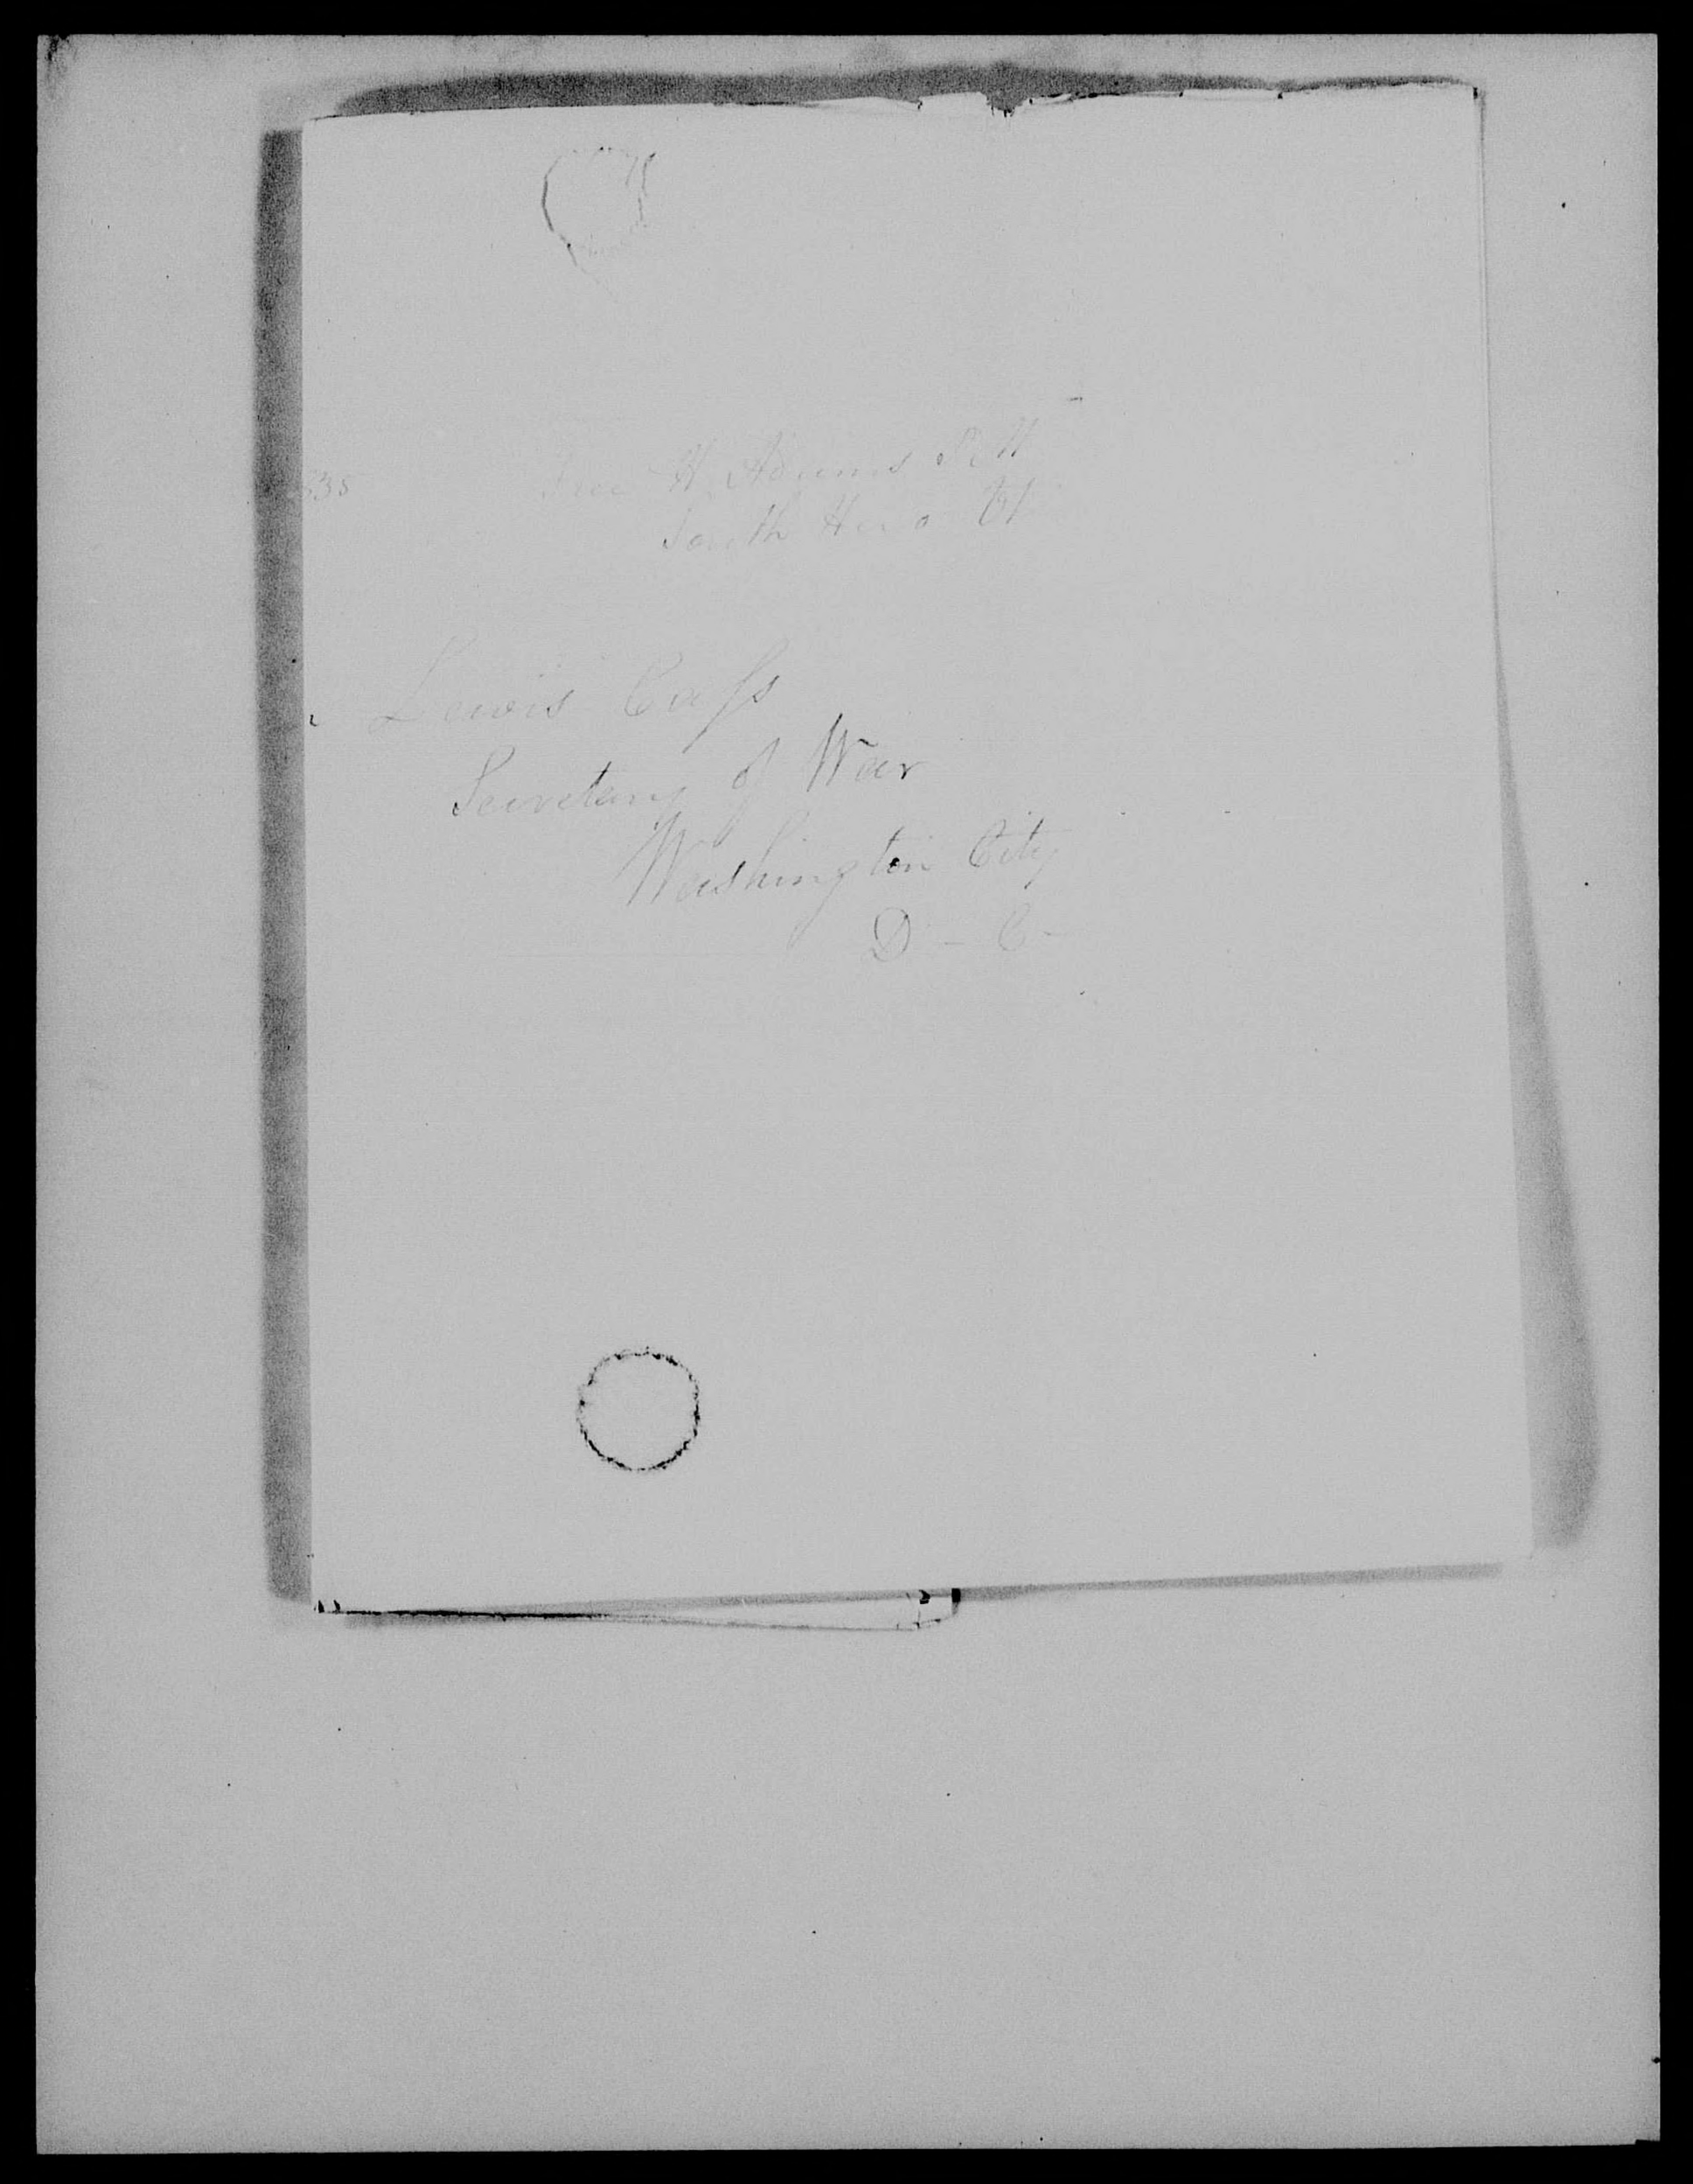(illegible)
South Hero Vt.

Lewis Cass
Secretary of War
Washington City, D. C.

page: 20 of 41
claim: widow's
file: W 26507, for Church Tabor, Massachusetts